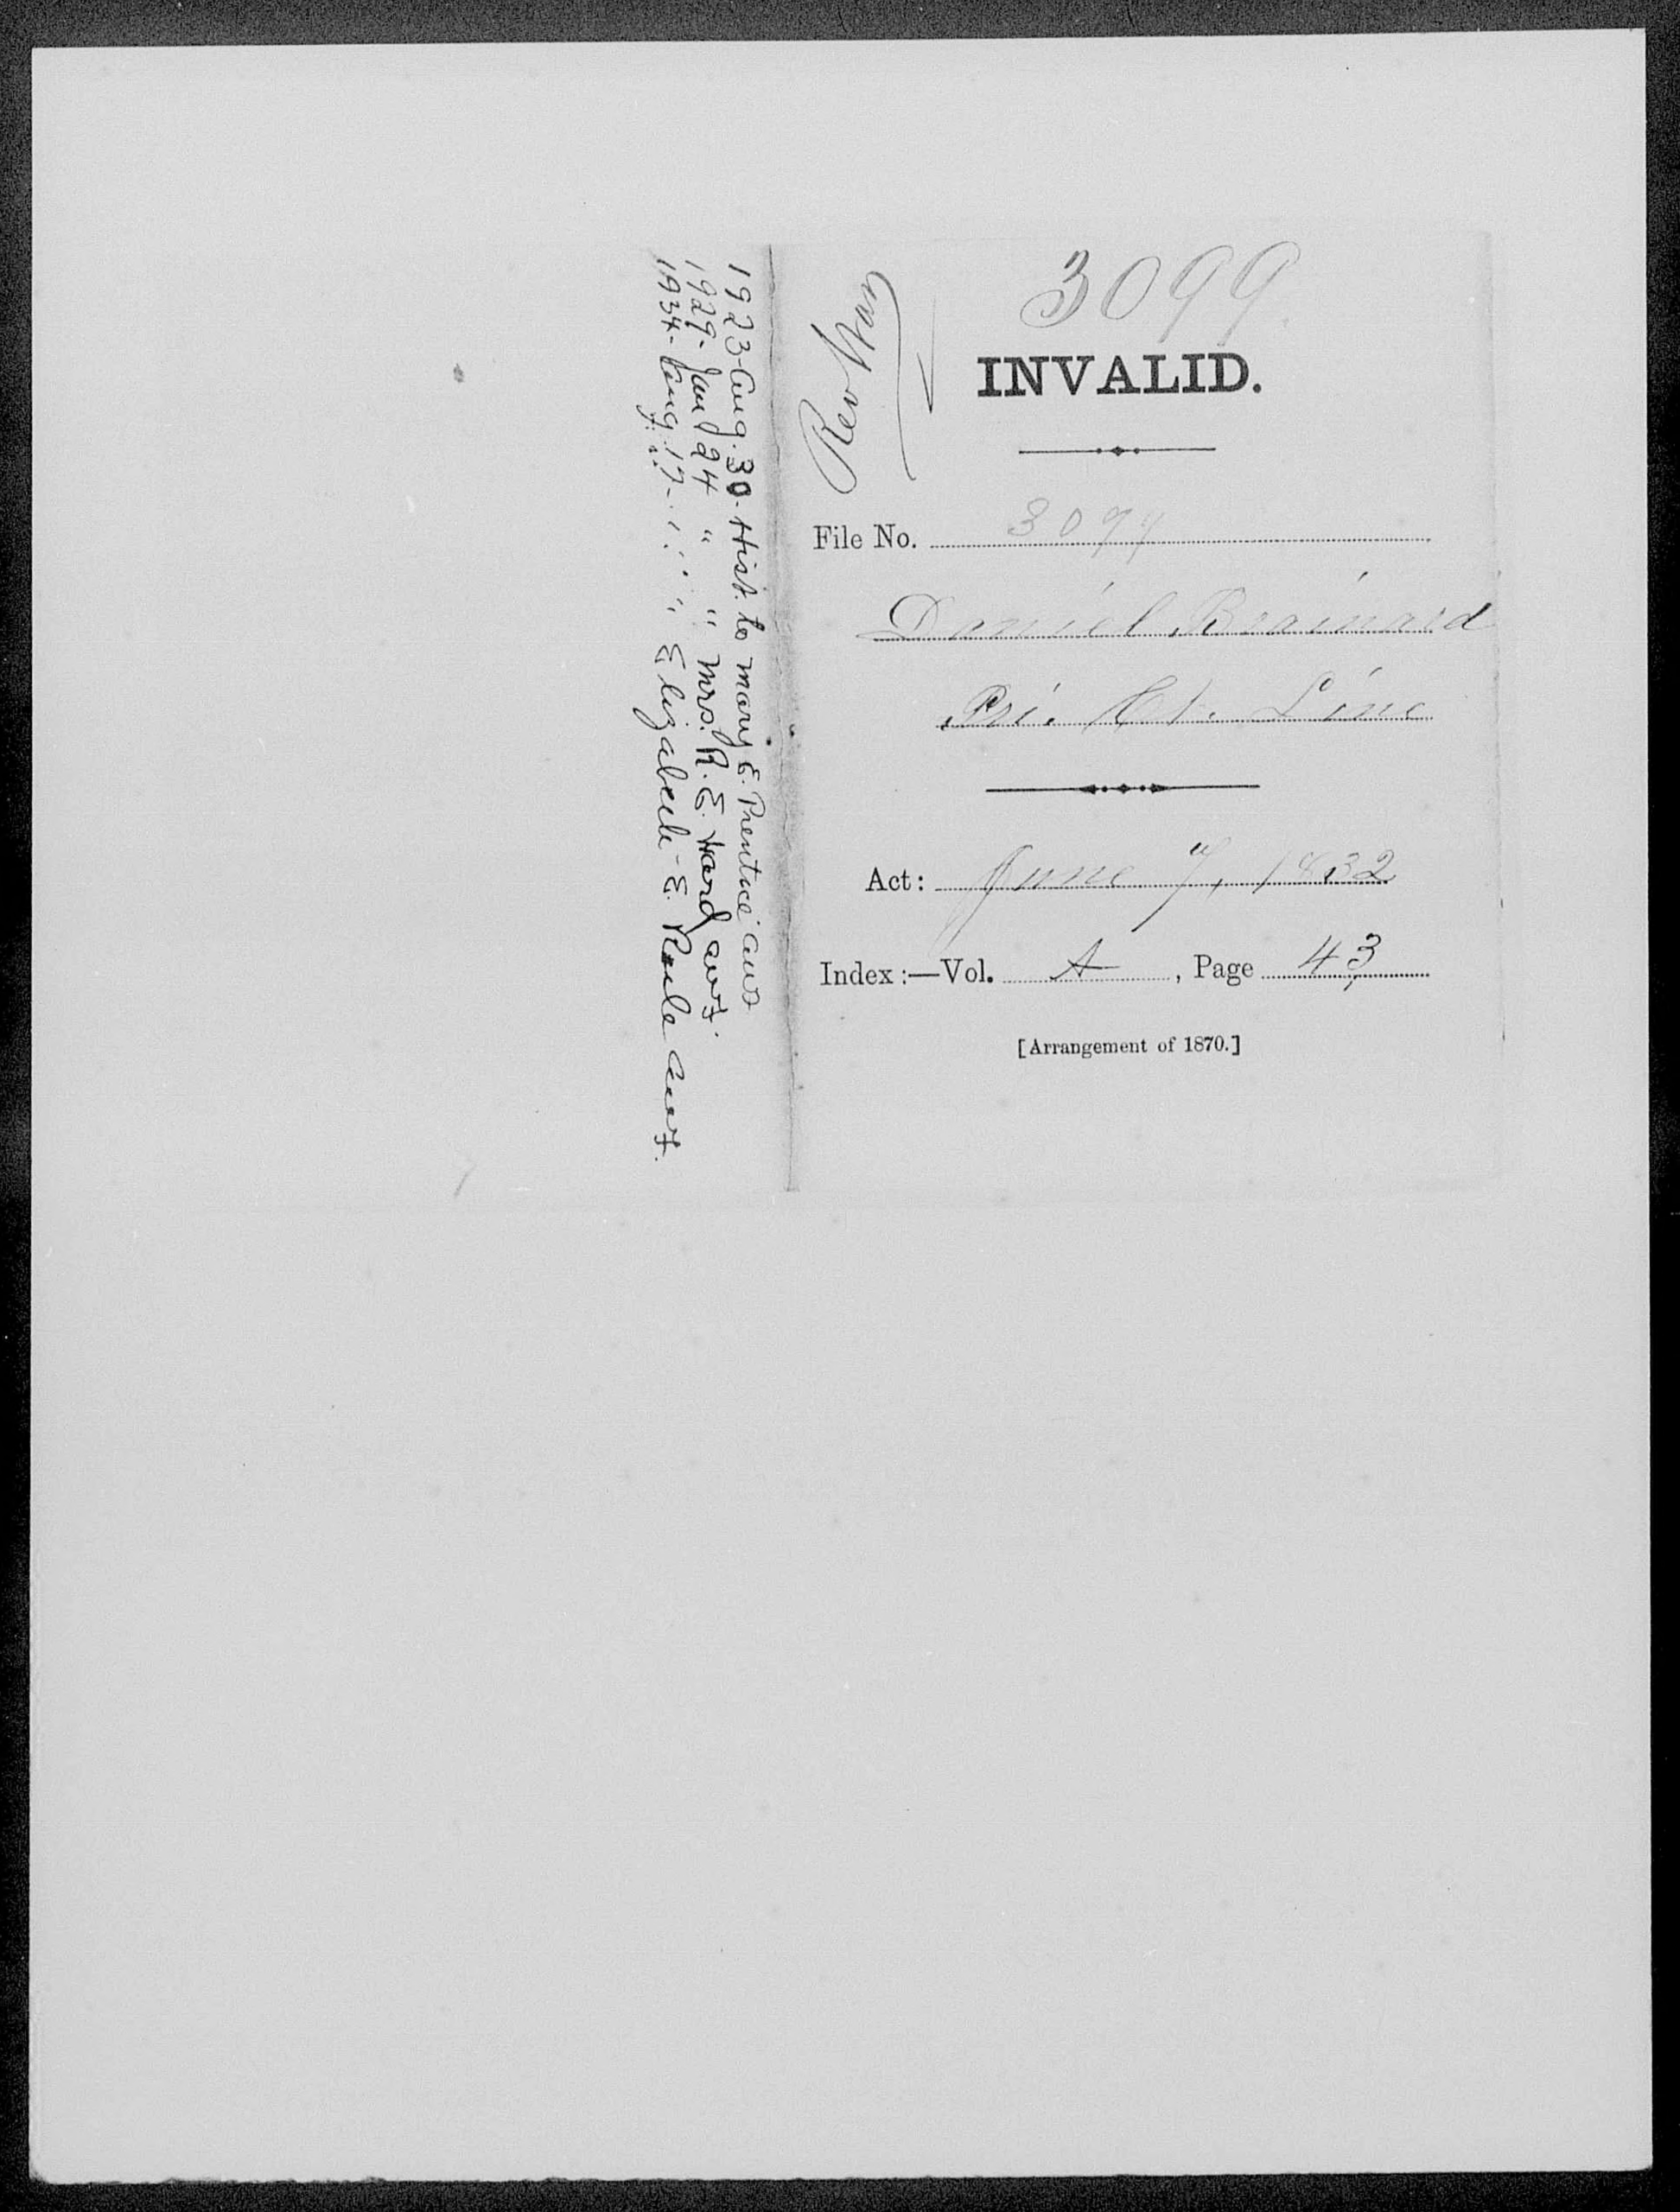Revolutionary War

3099 INVALID

File No. 3099
Daniel Brainard
Private Connecticut Line

Act: June 7, 1832
Index:-Vol. A, Page 43

[ Arrangement of 1870. ]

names: Mary E Prentice, R E Ward, Elizabeth E Rule, Daniel Brainard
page: 14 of 30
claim: survivor's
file: S. 3099, Daniel Brainard, Conn. Privateer